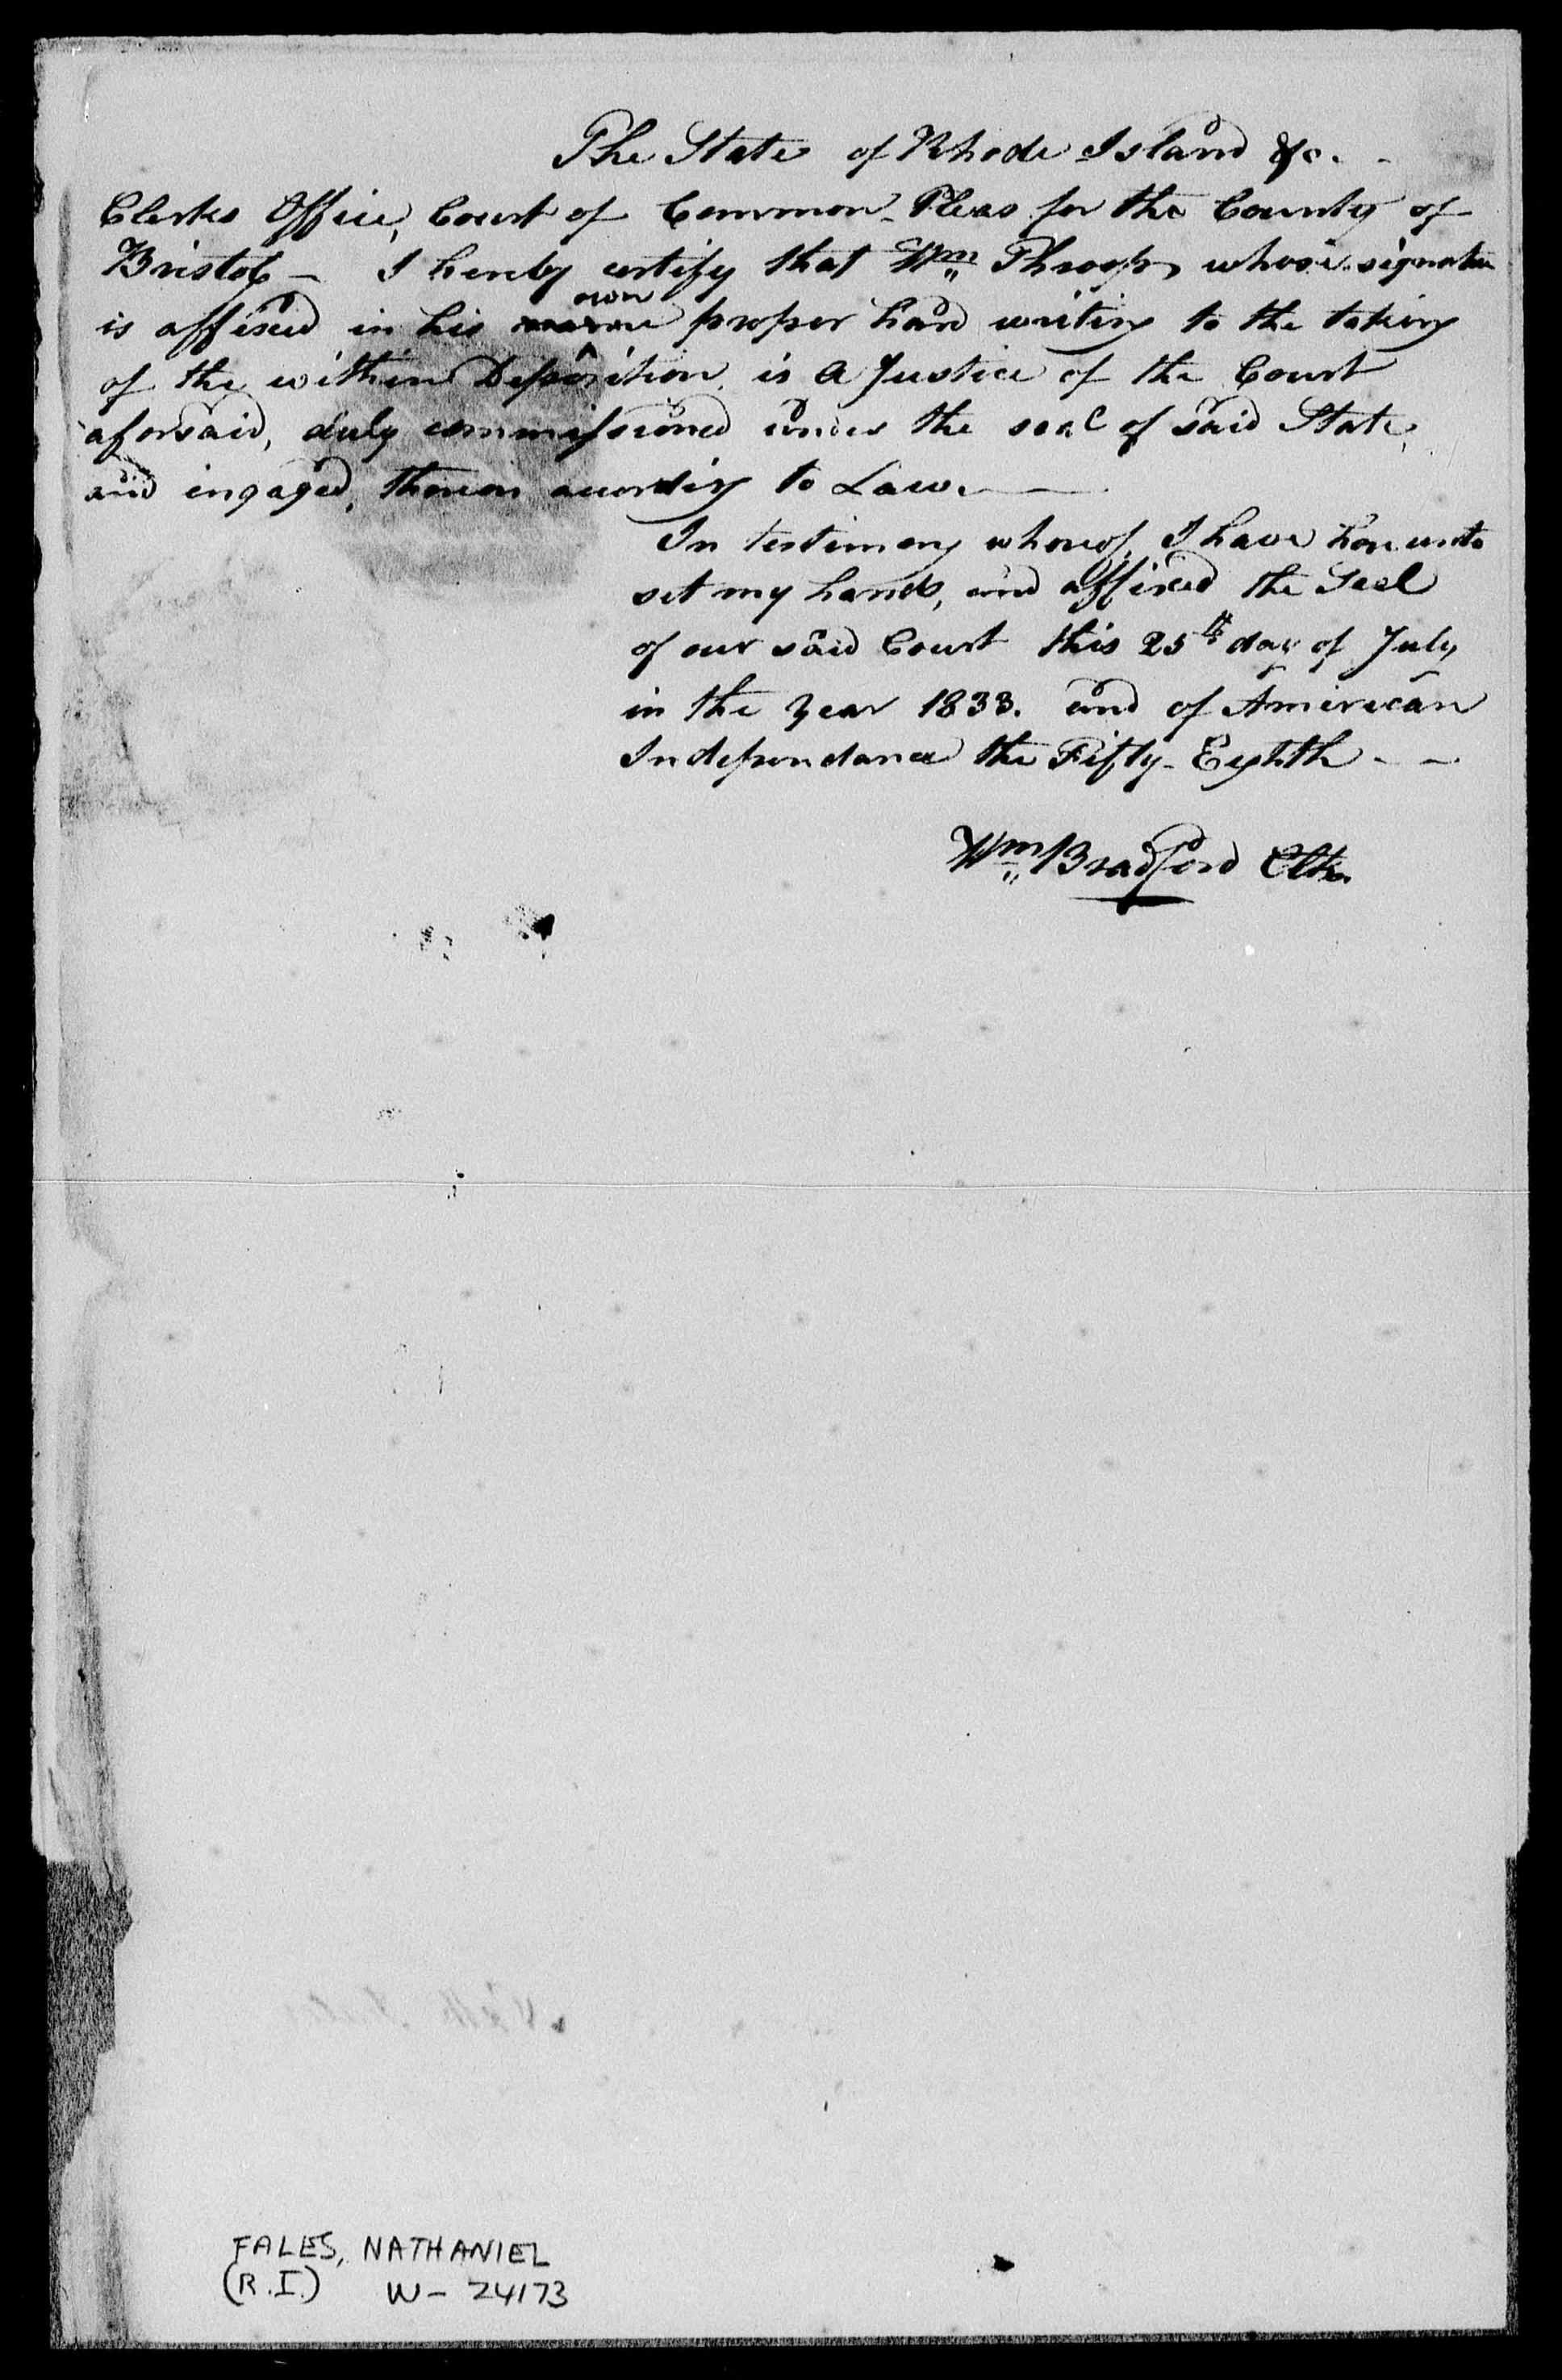The State of Rhode Island Sc - Clerks Office, Court of Common Pleas for the County of Bristol - I hereby certify that Wm Throop whose signature is affixed in his [illegible] own proper hand writing to the taking of the within Deposition, is a Justice of the Court of said, duly commissioned under the seal of said State, is engaged, thereon according to Law __
In testimony whereof, I have hereunto set my hands, and affixed the Seal of our said Court this 25th day of July in the year 1838, and of American Independence the Fifty-Eighth __

Wm Bradford Clk
[underscore]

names: Wm Throop, Nathaniel Fales, Wm Bradford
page: 21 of 32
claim: widow's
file: W. 24,173, Nathaniel Fales, R.I.